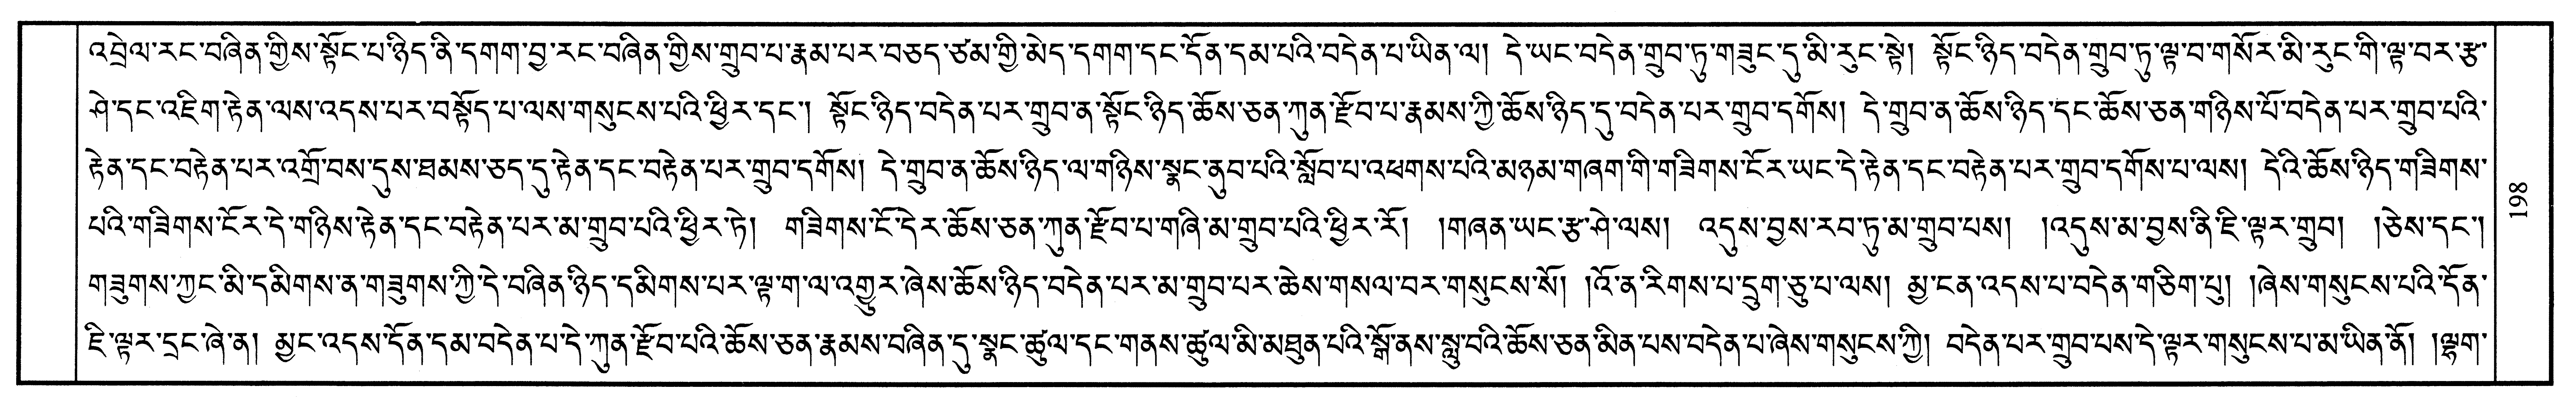འབྲེལ་རང་བཞིན་གྱིས་སྟོང་པ་ཉིད་ནི་དགག་བྱ་རང་བཞིན་གྱིས་གྲུབ་པ་རྣམ་པར་བཅད་ཙམ་གྱི་མེད་དགག་དང་དོན་དམ་པའི་བདེན་པ་ཡིན་ལ། དེ་ཡང་བདེན་གྲུབ་ཏུ་གཟུང་དུ་མི་རུང་སྟེ། སྟོང་ཉིད་བདེན་གྲུབ་ཏུ་ལྟ་བ་གསོར་མི་རུང་གི་ལྟ་བར་རྩ་
ཤེ་དང་འཇིག་རྟེན་ལས་འདས་པར་བསྟོད་པ་ལས་གསུངས་པའི་ཕྱིར་དང་། སྟོང་ཉིད་བདེན་པར་གྲུབ་ན་སྟོང་ཉིད་ཆོས་ཅན་ཀུན་རྫོབ་པ་རྣམས་ཀྱི་ཆོས་ཉིད་དུ་བདེན་པར་གྲུབ་དགོས། དེ་གྲུབ་ན་ཆོས་ཉིད་དང་ཆོས་ཅན་གཉིས་པོ་བདེན་པར་གྲུབ་པའི་
རྟེན་དང་བརྟེན་པར་འགྲོ་བས་དུས་ཐམས་ཅད་དུ་རྟེན་དང་བརྟེན་པར་གྲུབ་དགོས། དེ་གྲུབ་ན་ཆོས་ཉིད་ལ་གཉིས་སྣང་ནུབ་པའི་སློབ་པ་འཕགས་པའི་མཉམ་གཞག་གི་གཟིགས་ངོར་ཡང་དེ་རྟེན་དང་བརྟེན་པར་གྲུབ་དགོས་པ་ལས། དེའི་ཆོས་ཉིད་གཟིགས་
པའི་གཟིགས་ངོར་དེ་གཉིས་རྟེན་དང་བརྟེན་པར་མ་གྲུབ་པའི་ཕྱིར་ཏེ། གཟིགས་ངོ་དེར་ཆོས་ཅན་ཀུན་རྫོབ་པ་གཞི་མ་གྲུབ་པའི་ཕྱིར་རོ། །གཞན་ཡང་རྩ་ཤེ་ལས། འདུས་བྱས་རབ་ཏུ་མ་གྲུབ་པས། །འདུས་མ་བྱས་ནི་ཇི་ལྟར་གྲུབ། །ཅེས་དང་།
གཟུགས་ཀྱང་མི་དམིགས་ན་གཟུགས་ཀྱི་དེ་བཞིན་ཉིད་དམིགས་པར་ལྟ་ག་ལ་འགྱུར་ཞེས་ཆོས་ཉིད་བདེན་པར་མ་གྲུབ་པར་ཆེས་གསལ་བར་གསུངས་སོ། །འོ་ན་རིགས་པ་དྲུག་ཅུ་པ་ལས། མྱ་ངན་འདས་པ་བདེན་གཅིག་པུ། །ཞེས་གསུངས་པའི་དོན་
ཇི་ལྟར་དྲང་ཞེ་ན། མྱང་འདས་དོན་དམ་བདེན་པ་དེ་ཀུན་རྫོབ་པའི་ཆོས་ཅན་རྣམས་བཞིན་དུ་སྣང་ཚུལ་དང་གནས་ཚུལ་མི་མཐུན་པའི་སྒོ་ནས་སླུ་བའི་ཆོས་ཅན་མིན་པས་བདེན་པ་ཞེས་གསུངས་ཀྱི། བདེན་པར་གྲུབ་པས་དེ་ལྟར་གསུངས་པ་མ་ཡིན་ནོ། །ལྷག་